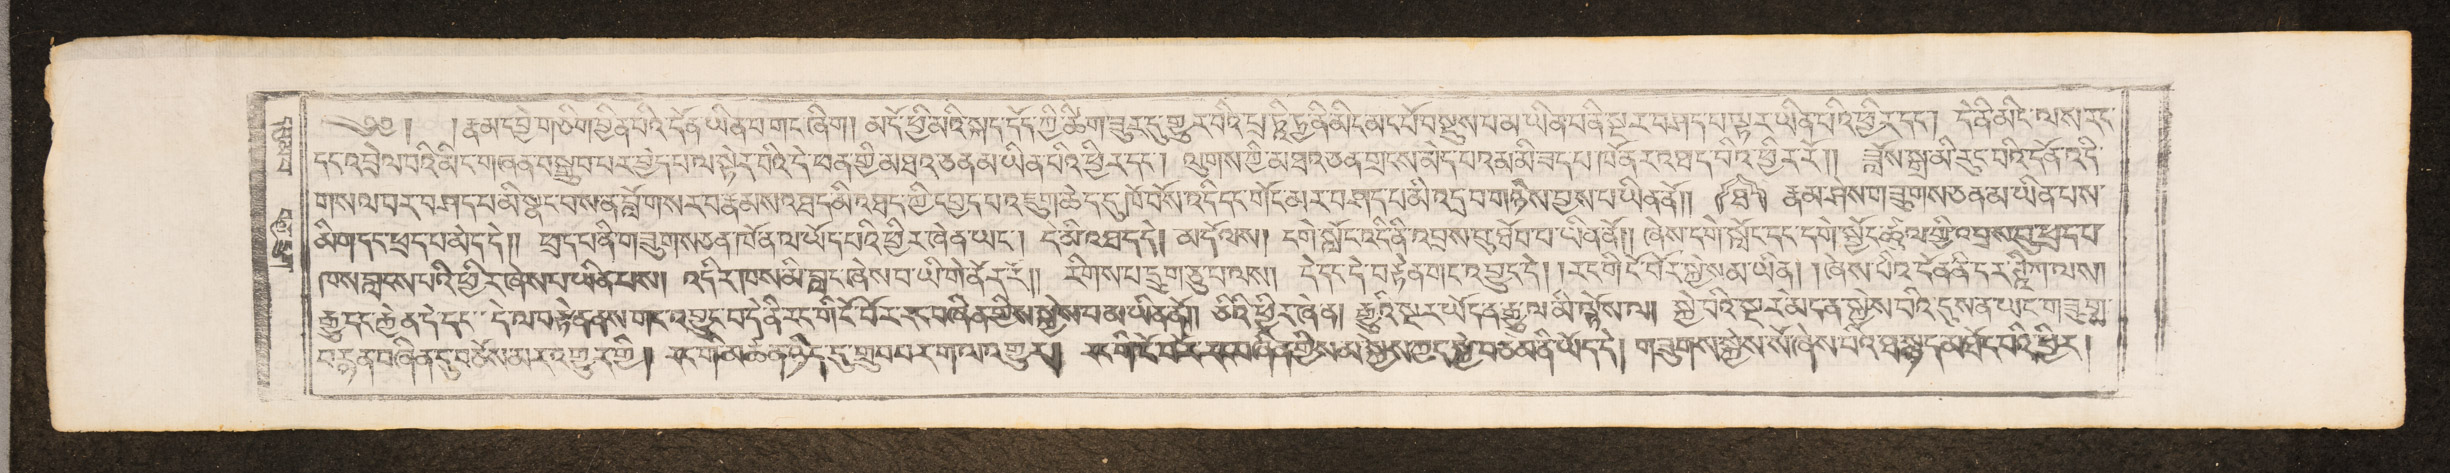༄༅། །རྣམ་དབྱེ་གཅིག་བྱིན་པའི་དོན་ཡིན་པ་གང་ཞིག། མདོ་ཕྱི་མའི་སྐད་དོད་ཀྱི་ཚིག་ཟུར་དུ་གྱུར་བའི་པྲ་ཏའི་ཏྱ་ནི་མིང་མང་པོ་བསྡུས་པ་མ་ཡིན་པ་ནི་སྔར་བཤད་པ་ལྟར་ཡིན་པའི་ཕྱིར་དང་། དེ་ནི་མིང་ལས་རང་
དང་འབྲེལ་བའི་མིང་གཞན་བསྒྲུབ་པར་བྱེད་པ་ལ་སྟེར་བའི་དེ་ཁོ་ན་གྱི་མཐའ་ཅན་མ་ཡིན་པའི་ཕྱིར་དང་། ལུགས་ཀྱི་མཐའ་ཅན་གྲངས་མེད་པའམ་མི་ཟད་པ་ཁོ་ནར་འཐད་པའི་ཕྱིར་རོ། །ཟློས་སྒྲ་མི་རུང་བའི་དོན་འདི་
གསལ་བར་བཤད་པ་མི་སྣང་བས་ན་བློ་གསར་བ་རྣམས་འཐད་མི་འཐད་ཀྱི་དཔྱད་པ་འཇུག་ཆེད་དུ་ཁོ་བོས་འདི་དང་གོང་མར་བཤད་པ་མི་འདྲ་བ་གཉིས་བྱས་པ་ཡིན་ནོ། །༼༽ཐ༼༽ རྣམ་ཤེས་གཟུགས་ཅན་མ་ཡིན་པས་
མིག་དང་ཕྲད་པ་མེད་དེ། །ཕྲད་པ་ནི་གཟུགས་ཅན་ཁོ་ན་ལ་ཡོད་པའི་ཕྱིར་ཞེ་ན་ཡང་། དེ་མི་འཐད་དེ། མདོ་ལས། དགེ་སློང་འདི་ནི་འབྲས་བུ་ཐོབ་པ་ཡིན་ནོ། །ཞེས་དགེ་སློང་དང་དགེ་སྦྱོང་ཚུལ་གྱི་འབྲས་བུ་ཕྲད་པ་
ཁས་བླངས་པའི་ཕྱིར་ཞེས་པ་ཡིན་པས། འདིར་ཁས་མི་བླང་ཞེས་པ་ཡི་གེ་ནོར་རོ། །རིགས་པ་དྲུག་ཅུ་པ་ལས། དེ་དང་དེ་བརྟེན་གང་འབྱུང་དེ། །རང་གི་ངོ་བོར་སྐྱེས་མ་ཡིན། །ཞེས་པའི་དོན་ནི་དར་ཊཱིཀ་ཀ་ལས།
རྒྱུ་དང་རྐྱེན་དེ་དང་དེ་ལ་བརྟེན་ནས་གང་འབྱུང་བ་དེ་ནི་རང་གི་ངོ་བོར་རང་བཞིན་གྱིས་སྐྱེས་པ་མ་ཡིན་ནོ། །ཅིའི་ཕྱིར་ཞེ་ན། རྒྱུའི་སྔར་ཡོད་ན་རྒྱུ་ལ་མི་སྟོས་ལ། སྐྱེ་བའི་སྔར་མེད་ན་སྐྱེས་པའི་དུས་ན་ཡང་གཟུགས་
བརྙན་བཞིན་དུ་བཅོས་མར་འགྱུར་གྱི། རང་གི་མཚན་ཉིད་དུ་གྲུབ་པར་ག་ལ་འགྱུར། རང་གི་ངོ་བོར་རང་བཞིན་གྱིས་མ་སྐྱེས་ཀྱང་སྐྱེ་བ་ཙམ་ནི་ཡོད་དེ། གཟུགས་སྐྱེས་སོ་ཞེས་པའི་ཐ་སྙད་མཐོང་བའི་ཕྱིར།